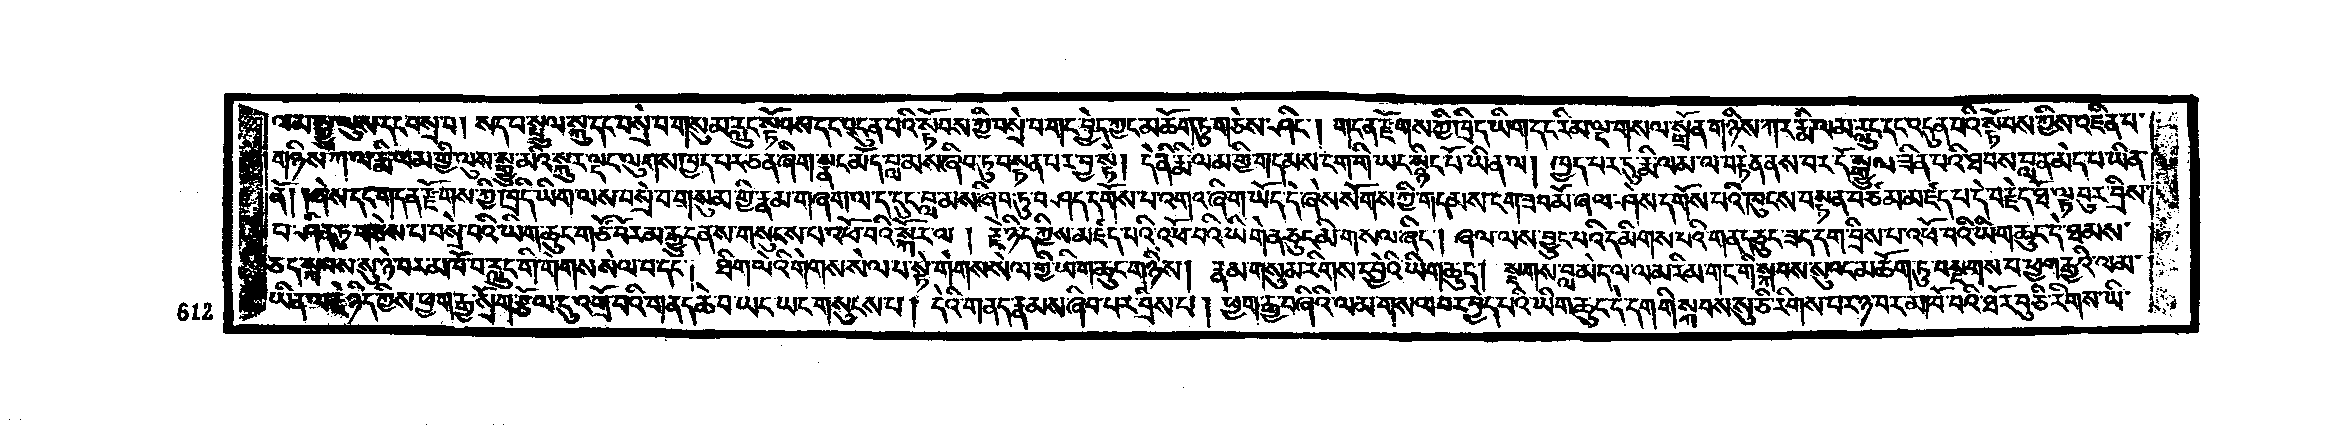ལམ་སྒྱུ་ལུས་དང་བསྲེ་བ། སད་པ་སྤྲུལ་སྐུ་དང་བསྲེ་བ་གསུམ་རླུང་སྟོབས་དང་འདུན་པའི་སྟོབས་ཀྱི་བསྲེ་བ་གང་བྱེད་ཀྱང་མཆོག་ཏུ་གཅེས་ཤིང་། གདན་རྫོགས་ཀྱི་ཁྲིད་ཡིག་དང་རིམ་ལྔ་གསལ་སྒྲོན་གཉིས་ཀར་རྨི་ལམ་རླུང་དང་འདུན་པའི་སྟོབས་ཀྱིས་འཛིན་པ་
གཉིས་ཀ་ལ་རྨི་ལམ་གྱི་ལུས་སྒྱུ་མའི་སྐུར་ལྡང་ལུགས་ཁྱད་པར་ཅན་ཞིག་སྣང་མོད་བླ་མས་ཞིབ་ཏུ་བསྟན་པར་བྱ་སྟེ། དེ་ནི་རྨི་ལམ་གྱི་གདམས་ངག་གི་ཡང་སྙིང་པོ་ཡིན་ལ། ཁྱད་པར་དུ་རྨི་ལམ་ལ་བརྟེན་ནས་པར་དོ་སྒྱུ་བ་ཟིན་པའི་ཐབས་བླ་ན་མེད་པ་ཡིན་
ནོ། །ཞེས་དང་གདན་རྫོགས་ཀྱི་ཁྲིད་ཡིག་ལས་བསྲེ་བ་གསུམ་གྱི་རྣམ་གཞག་ལ་ད་དུང་བླ་མས་ཞིབ་ཏུ་བཤད་དགོས་པ་འགའ་ཞིག་ཡོད་དོ་ཞེས་སོགས་ཀྱི་གདམས་ངག་ཟབ་མོ་ཞལ་ཤེས་དགོས་པའི་ཁུངས་བསྟན་པ་ཙམ་མཛད་པ་དེ་བརྗེད་ཐོ་ལྟ་བུར་བྲིས་
པ་ཤིན་ཏུ་གཅེས་པ་བསྲེ་བའི་ཡིག་ཆུང་གཙོ་བོར་མ་རྒྱུད་ནས་གསུངས་པ་འཕོ་བའི་སྐོར་ལ། རྗེ་ཉིད་ཀྱིས་མཛད་པའི་འཕོ་བའི་ཡི་གེ་ན་ཅུང་མི་གསལ་ཞིང་། ཞལ་ལས་བྱུང་བའི་དམིགས་པའི་གནད་ཅུང་ཟད་དག་བྲིས་པ་འཕོ་བའི་ཡིག་ཆུང་དེ་ཐམས་
ཅད་སྐབས་སུ་ཉེ་བར་མཁོ་བ་རླུང་གི་གེགས་སེལ་བ་དང་། ཐིག་ལེའི་གེགས་སེལ་བ་སྟེ་གེགས་སེལ་གྱི་ཡིག་ཆུང་གཉིས། རྣམ་གསུམ་རིགས་དབྱེའི་ཡིག་ཆུང་། །སྔགས་བླ་མེད་ལ་ལམ་རིམ་གང་གི་སྐབས་སུའང་མཆོག་ཏུ་བསྔགས་པ་ཕྱག་རྒྱའི་ལམ་
ཡིན་ལ་རྗེ་ཉིད་ཀྱིས་ཕྱག་རྒྱ་སྲོག་རྩོལ་དུ་འགྲོ་བའི་གནད་ཆེ་བ་ཡང་ཡང་གསུངས་པ། དེའི་གནད་རྣམས་ཞིབ་པར་བྲིས་པ། ཕྱག་རྒྱ་བཞིའི་ལམ་གསལ་བར་བྱེད་པའི་ཡིག་ཆུང་དེ་དག་གི་སྐབས་སུ་ཅི་རིགས་པར་ཉེ་བར་མཁོ་བའི་ཐོར་བུ་ཅི་རིགས་ཡི་